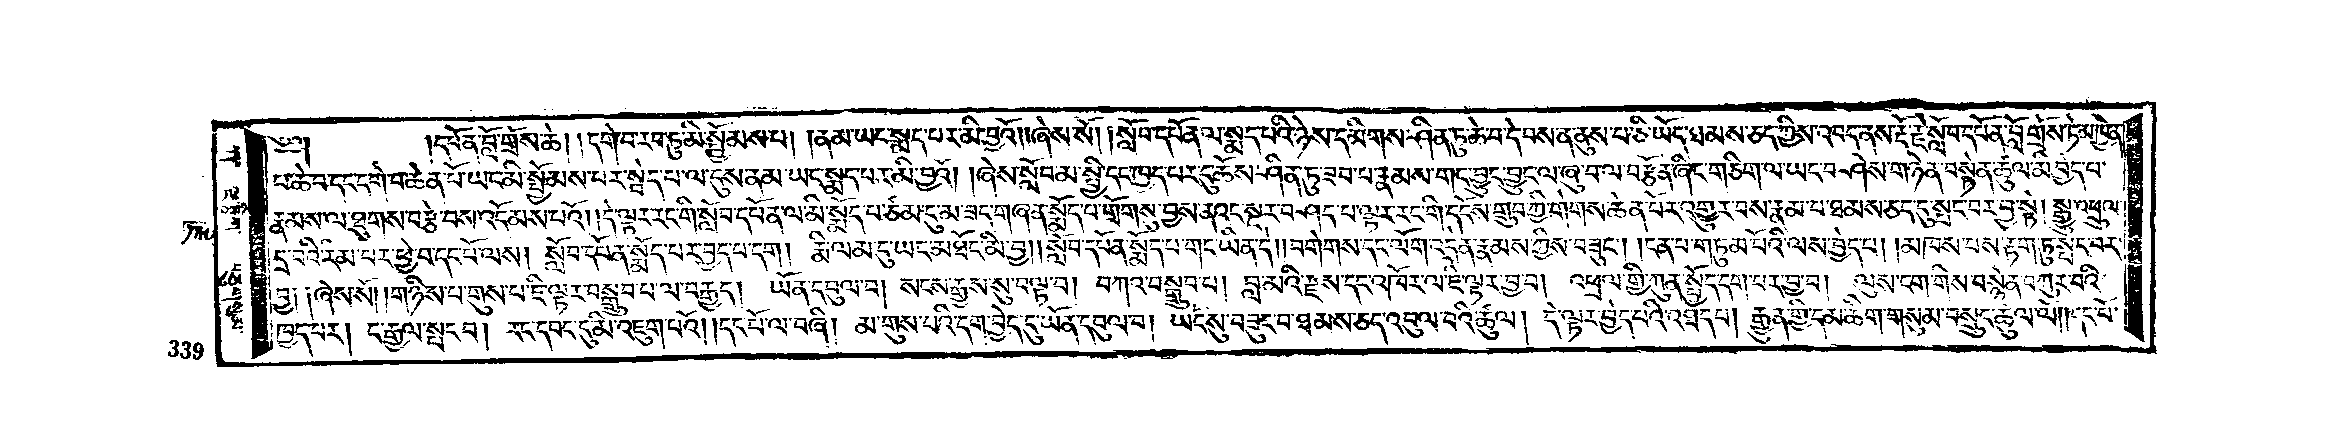༄༅། །དཔོན་བློ་གྲོས་ཆེ། །དགེ་བ་རབ་ཏུ་མི་སྤྱོམས་པ། །ནམ་ཡང་སྨད་པར་མི་བྱའོ། །ཞེས་སོ། །སློབ་དཔོན་ལ་སྨད་པའི་ཉེས་དམིགས་ཤིན་ཏུ་ཆེ་བ་དེ་བས་ན་ནུས་པ་ཅི་ཡོད་ཐམས་ཅད་ཀྱིས་འབད་ནས་རྡོ་རྗེ་སློབ་དཔོན་བློ་གྲོས་ཏེ་མཁྱེན་
པ་ཆེ་བ་དང་དགེ་བ་ཆེན་པོ་ཡང་མི་སྤྱོམས་པར་སྦེད་པ་ལ་དུས་ནམ་ཡང་སྨད་པར་མི་བྱའོ། །ཞེས་སློབ་མ་སྤྱི་དང་ཁྱད་པར་དུ་ཆོས་ཤིན་ཏུ་ཟབ་པ་རྣམས་གང་བྱུང་བྱུང་ལ་ཞུ་བ་ལ་བརྩོན་ཞིང་གཅིག་ལ་ཡང་བཤེས་གཉེན་བསྟེན་ཚུལ་མི་བྱེད་པ་
རྣམས་ལ་ཐུགས་བརྩེ་བས་འདོམས་པའོ། །དེ་ལྟར་རང་གི་སློབ་དཔོན་ལ་མི་སྨོད་པ་ཙམ་དུ་མ་ཟད་གཞན་སྨོད་པ་གྲོགས་སུ་བྱས་ནའང་སྔར་བཤད་པ་ལྟར་རང་གི་དངོས་གྲུབ་ཀྱི་གེགས་ཆེན་པོར་འགྱུར་བས་རྣམ་པ་ཐམས་ཅད་དུ་སྤང་བར་བྱ་སྟེ། སྒྱུ་འཕྲུལ་
དྲ་བའི་རིམ་པར་ཕྱེ་བ་དང་པོ་ལས། སློབ་དཔོན་སྨོད་པར་བྱད་པ་དག །རྨི་ལམ་དུ་ཡང་མཐོང་མི་བྱ། །སློབ་དཔོན་སྨོད་པ་གང་ཡིན་དེ། །བགེགས་དང་ལོག་འདྲེན་རྣམས་ཀྱིས་བཟུང་། །ངན་པ་གཏུམ་པོའི་ལས་བྱེད་པ། །མཁས་པས་རྟག་ཏུ་སྤང་བར་
བྱ༑ ༑ཞེས་སོ། །གཉིས་པ་གུས་པ་ཇི་ལྟར་བསྒྲུབ་པ་ལ་བརྒྱད། ཡོན་དབུལ་བ། སངས་རྒྱས་སུ་བལྟ་བ། བཀའ་བསྒྲུབ་པ། བླ་མའི་རྫས་དང་འཁོར་ལ་ཇི་ལྟར་བྱ་བ། འཕྲལ་གྱི་ཀུན་སྤྱོད་དག་པར་བྱ་བ། ལུས་ངག་གིས་བསྙེན་བཀུར་བའི་
ཁྱད་པར། ང་རྒྱལ་སྤང་བ། རང་དབང་དུ་མི་འཇུག་པའོ། །དང་པོ་ལ་བཞི། མ་གུས་པའི་དག་བྱེད་དུ་ཡོན་དབུལ་བ། ཡོངས་སུ་བཟུང་བ་ཐམས་ཅད་འབུལ་བའི་ཚུལ། དེ་ལྟར་བྱེད་པའི་འཐད་པ། རྒྱུན་གྱི་དམ་ཚིག་གསུམ་བསྲུང་ཚུལ་ལོ། །དང་པོ་